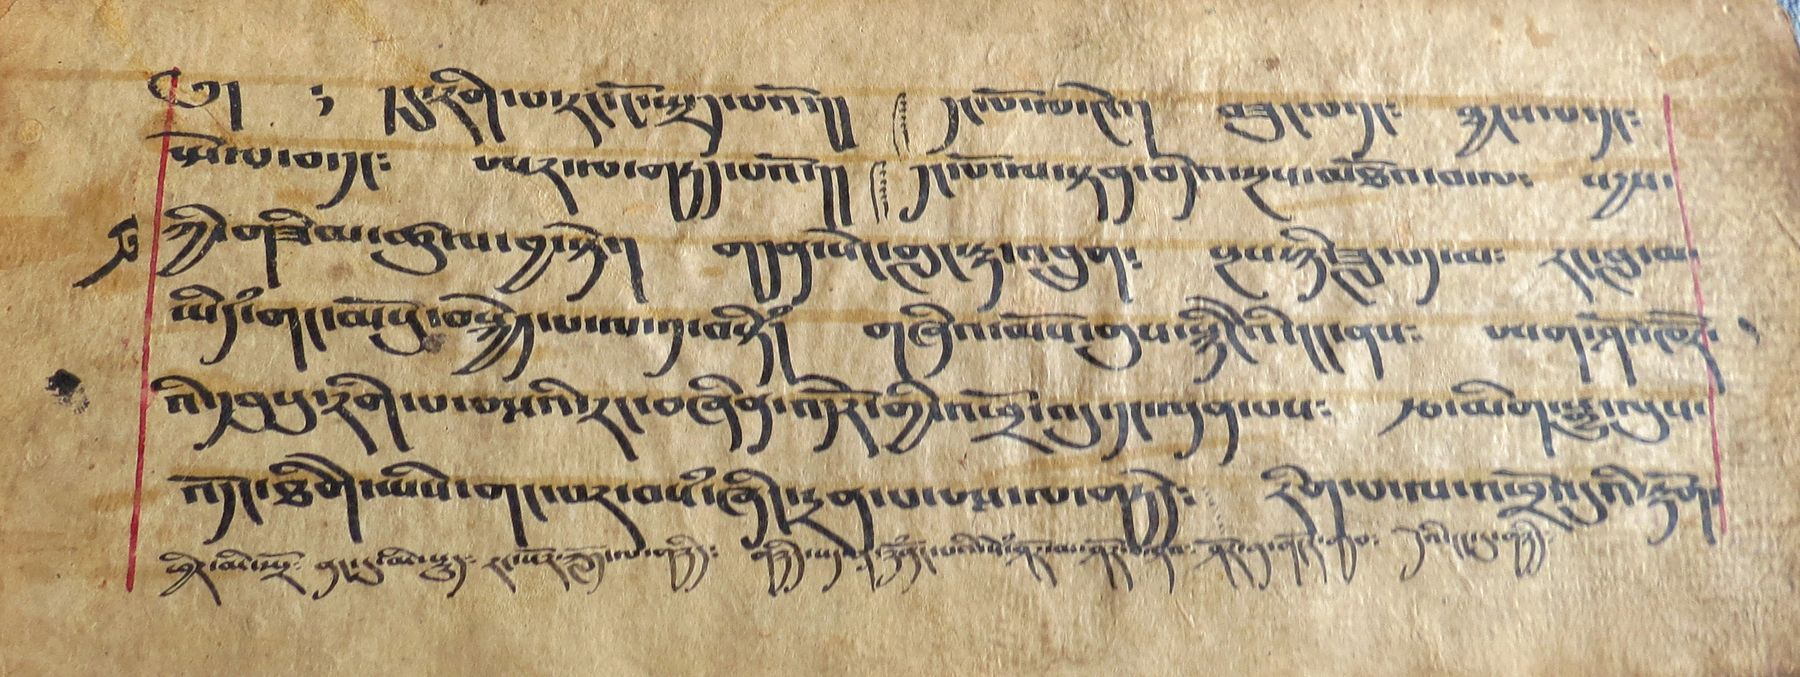རིག་པ་རང་ངོ་སྤྲད་པའོ། ། དང་པོ་ལ་བཞི་སྟེ། བཟུང་བ་དང་། སྦྱང་བ་དང་། 
སྤེལ་བ་དང་། ཨར་ལ་གཏད་པའོ། དང་པོ་ལ་སྟན་བདེ་བའི་སྔས་མཐོ་བ་ལ། སངས་རྒྱས་
ཀྱི་གཟིམས་ཚུལ་བྱ་སྟེ། གདན་སེང་གླང་རྟ་འབྲུག་ཁྱུང་ལྔ་ཉི་ཟླ་པད་མ། རང་བླ་མ་
ཡི་དམ་གང་མོས་སུ་བསྐྱེད། གཞི་མོས་གུས་སྙིང་རྗེའི་ངང་ནས། ཨག་ཤོ་འཁོར་
ལོའི་དབུས་སུ་རིག་པ་ཨའི་རང་བཞིན་འོད་ཟེར་གྱི་འཕྲོ་འདུ་དང་ལྡན་པས། རྩ་མིག་སྒྱུ་ལུས་
འོད་དང་ཐིག་ལེས་གང་བར་བསམ་ཞིང་། དྲན་པ་ཨ་ལ་གཏད་དེ། རིག་པ་ལ་འཕྲོ་འདུའི་རྟོག་
ཕྱི་རུ་མི་སྤྲོ་ནང་དུ་མི་བསྡུ། རང་སོར་གློད་ལ་གཉིད། གཉིད་སད་པ་ན་ཉོན་མོངས་པའི་སེམས་ཤོར་མ་ཤོར་བལྟ་ལ། ཤོར་ན་གོང་ལྟར་གདབ། དེའི་ངང་དུ་གཉིད།